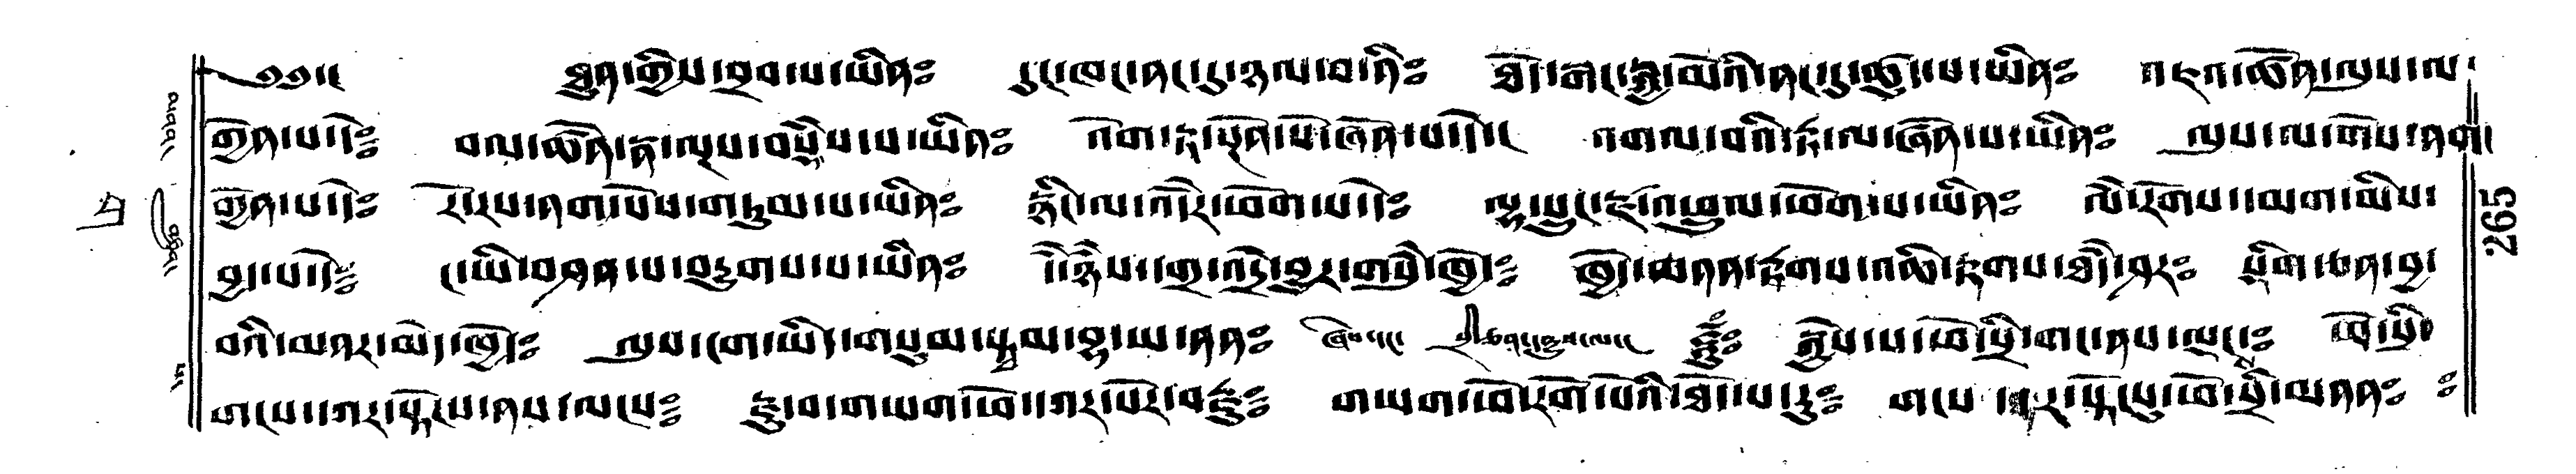ཐུན་གྱིས་བྲབ་པ་ཡིནཿ དུང་ཁང་ནང་དུ་ཉལ་བ་ནིཿ ཐོད་སྒང་སྐྱ་མོའི་ནང་དུ་ཚུད་པ་ཡིནཿ འཇའ་ཚོན་ལུས་ལ་
གྱོན་པ་དེ༔ བལ་ཚོན་སྣ་ལྔས་བསྡམས་པ་ཡིནཿ འོག་རྟ་སྔོན་པོ་ཞོན་པ་དེཿ འགལ་བའི་རྟ་ལ་ཞོན་པ་ཡིནཿ ལུས་ལ་གོས་ནག་
གྱོན་པ་དེཿ རོ་རས་ནག་པོས་བཏུམས་པ་ཡིནཿ སྙིང་ལ་འོད་ཟེར་ཕོག་པ་དེཿ ལྷ་སྲུང་རྫུ་འཕྲུལ་ཕོག་པ་ཡིནཿ ལམ་རོགས་དམག་མིས་
བྱེད་པ་དེཿ ང་ཡི་གཤན་པ་བརྒྱུགས་པ་ཡིནཿ དམ་ཉམས་དགྲ་འདྲེ་བྱུར་གསུམ་ཁྱོད༔ ཁྱོད་མནན་རྟགས་འཆི་རྟགས་ཐམས་ཅད་ཤརཿ སྡིག་ཅན་བྱ་
བའི་མནར་མེད་ཁྱོདཿ ལུས་ངག་ཡིད་གསུམ་སྟྭམ་བྷ་ཡ་ནནཿ ཞེས་དང་སྲི་ཅན་དཀྱུས་ལ ། ཧཱུྃཿ སྐྱེས་པ་ཕོ་སྲི་གང་ནས་ལྡངཿ ཕོ་སྲི་
གངས་དཀར་སྟེངས་ནས་ལངསཿ རྗུ་བ་གཡག་ཕོ་དཀར་པོར་རྫུཿ གཡག་ཕོ་རོག་པོའི་ཐོད་པ་རུཿ གངས་དཀར་སྟོངས་སུ་ཕོ་སྲི་མནནཿ